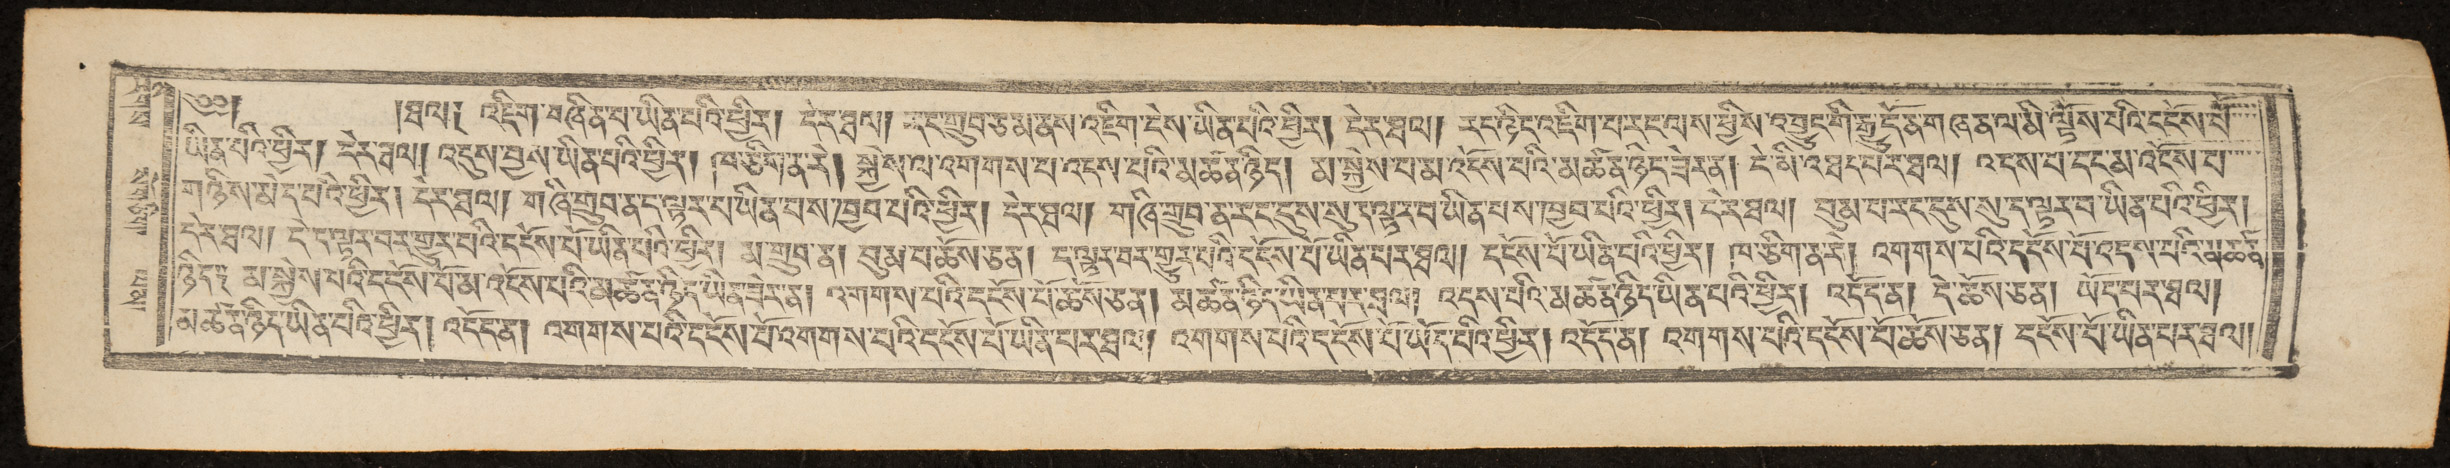༄༅། །ཐལ། འཇིག་བཞིན་པ་ཡིན་པའི་ཕྱིར། དེར་ཐལ། རང་གྲུབ་ཙམ་ནས་འཇིག་ངེས་ཡིན་པའི་ཕྱིར། དེར་ཐལ། རང་ཉིད་འཇིག་པ་རང་ལས་ཕྱིས་འབྱུང་གི་རྒྱུ་དོན་གཞན་ལ་མི་ལྟོས་པའི་དངོས་པོ་
ཡིན་པའི་ཕྱིར། དེར་ཐལ། འདུས་བྱས་ཡིན་པའི་ཕྱིར། ཁ་ཅིག་ན་རེ། སྐྱེས་ལ་འགགས་པ་འདས་པའི་མཚན་ཉིད། མ་སྐྱེས་པ་མ་འོངས་པའི་མཚན་ཉིད་ཟེར་ན། དེ་མི་འཐད་པར་ཐལ། འདས་པ་དང་མ་འོངས་པ་
གཉིས་མེད་པའི་ཕྱིར། དེར་ཐལ། གཞི་གྲུབ་ན་ད་ལྟར་བ་ཡིན་པས་ཁྱབ་པའི་ཕྱིར། དེར་ཐལ། གཞི་གྲུབ་ན་རང་དུས་སུ་ད་ལྟར་བ་ཡིན་པས་ཁྱབ་པའི་ཕྱིར། དེར་ཐལ། བུམ་པ་རང་དུས་སུ་ད་ལྟར་བ་ཡིན་པའི་ཕྱིར།
དེར་ཐལ། དེ་ད་ལྟར་བར་གྱུར་པའི་དངོས་པོ་ཡིན་པའི་ཕྱིར། མ་གྲུབ་ན། བུམ་པ་ཆོས་ཅན། ད་ལྟར་བར་གྱུར་པའི་དངོས་པོ་ཡིན་པར་ཐལ། དངོས་པོ་ཡིན་པའི་ཕྱིར། ཁ་ཅིག་ན་རེ། འགགས་པའི་དངོས་པོ་འདས་པའི་མཚན་
ཉིད། མ་སྐྱེས་པའི་དངོས་པོ་མ་འོངས་པའི་མཚན་ཉིད་ཡིན་ཟེར་ན། འགགས་པའི་དངོས་པོ་ཆོས་ཅན། མཚན་ཉིད་ཡིན་པར་ཐལ། འདས་པའི་མཚན་ཉིད་ཡིན་པའི་ཕྱིར། འདོད་ན། དེ་ཆོས་ཅན། ཡོད་པར་ཐལ།
མཚན་ཉིད་ཡིན་པའི་ཕྱིར། འདོད་ན། འགགས་པའི་དངོས་པོ་འགགས་པའི་དངོས་པོ་ཡིན་པར་ཐལ། འགགས་པའི་དངོས་པོ་ཡོད་པའི་ཕྱིར། འདོད་ན། འགགས་པའི་དངོས་པོ་ཆོས་ཅན། དངོས་པོ་ཡིན་པར་ཐལ།